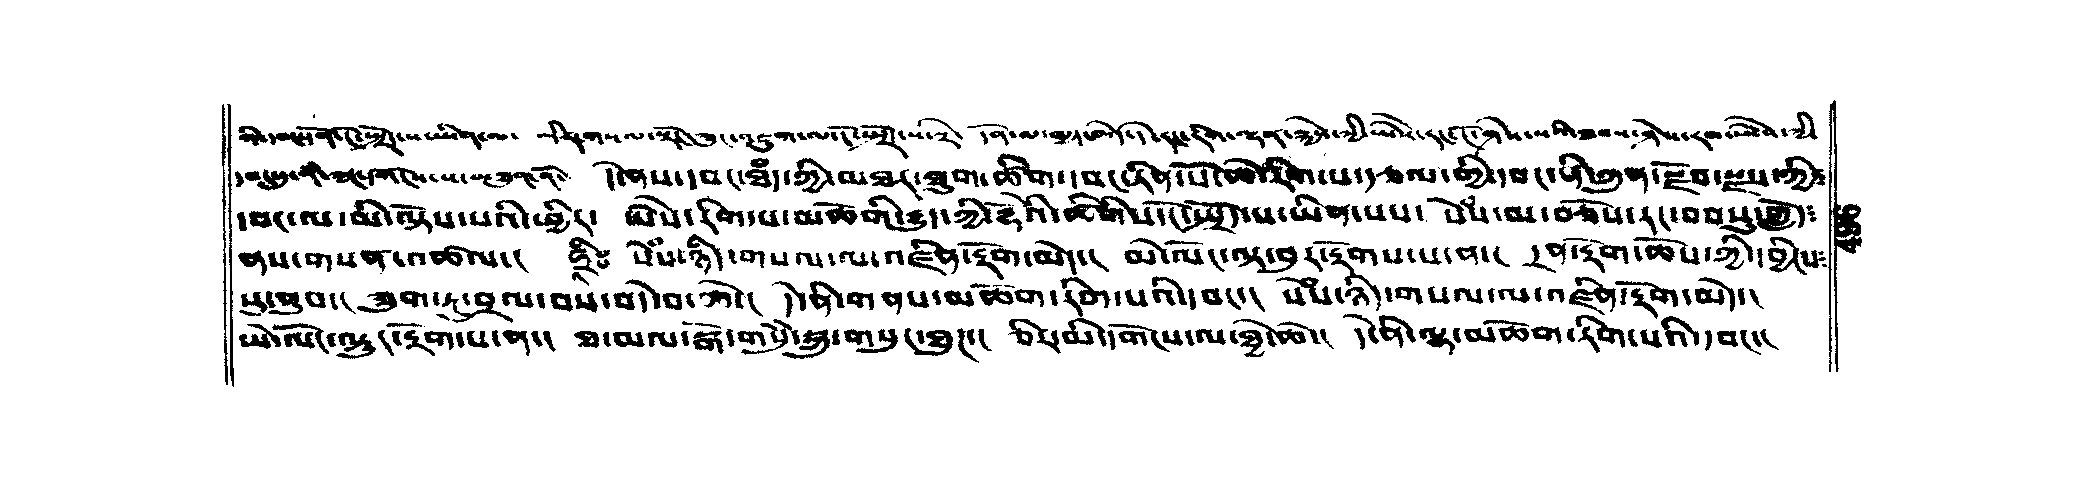གི་དབང་དོན་ངོ་སྤྲོད་པ་ཡིན་ལ། འདིར་གསལ་སྟོང་ཟུང་འཇུག་ལ་ངོ་སྤྲོད་པ་སྟེ། དོན་ལ་ཁྱད་མེད་དེ་རང་རིག་ལྷན་སྐྱེས་ཀྱི་ཡེ་ཤེས་རང་ངོ་ཤེས་པའི་ཐབས་ཤེས་རབ་ཡེ་ཤེས་ཀྱི་
དབང་དུ་ནམ་ཡང་དགོངས་པ་མཐུན་ནོ། དེ་ནས་དབང་ཐམས་ཅད་གི་མཐར་ཐུག་ཚིག་དབང་རིན་པོ་ཆེ་རིག་པ་རྩལ་གྱི་དབང་ནི་ཀུན་རྫོབ་རྫས་ཀྱི་
དབང་ལ་མི་ལྟོས་པའི་ཕྱིར། ཡེ་ཤེས་རིག་པ་མཆོག་གི་རྒྱུད་ཀྱི་རྡོ་རྗེའི་ཚིག་གིས་ངོ་སྤྲོད་པ་ཡིན་པས། སེམས་མ་བཅོས་རང་བབས་གློད་
ནས་གསན་འཚལ། ཧྲཱིཿ སེམས་ཉིད་གསལ་ལ་འཛིན་རྟོག་མེད། །མེ་ལོང་ལྟ་བུར་རྟོགས་པ་ན། །དྲན་རྟོག་ཆོས་ཀྱི་དབྱིངས་
སུ་ནུབ། །ཟུག་རྔུ་བྲལ་བའི་བདེ་བ་ཆེ། །དེ་ནི་གནས་མཆོག་རིག་པའི་དབང་། །སེམས་ཉིད་གསལ་ལ་འཛིན་རྟོག་མེད། །
མེ་ལོང་ལྟ་བུར་རྟོགས་པ་ན། །ཐ་མལ་སྒོ་གསུམ་སྐུ་གསུང་ཐུགས། །ཅིར་མི་དགོངས་ལ་ཐུགས་རྗེ་ཆེ། །དེ་ནི་ལྷ་མཆོག་རིག་པའི་དབང་། །